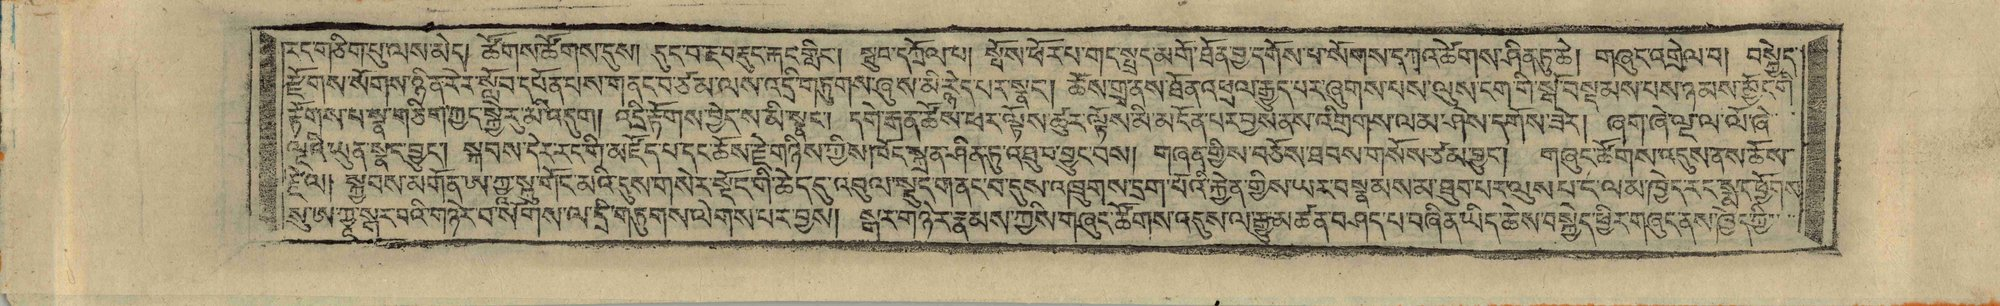རང་གཅིག་པུ་ལས་མེད། ཚོགས་ཚོགས་དུས། དུང་བ་རྔ་བརྡུང་རྐང་གླིང་། སྦུབ་དཀྲོལ་པ། སྤོས་ཕོར་པ་གང་སྤྲད་མགོ་ཐོན་བྱ་དགོས་པ་སོགས་དཀའ་ཚེགས་ཤིན་ཏུ་ཆེ། གཞུང་འགྲེལ་བ། བསྐྱེད་
རྫོགས་སོགས་ཉིན་རེར་སློབ་དཔོན་པས་གནང་བ་ཙམ་ལས་འདྲི་གཏུགས་ཞུས་མི་རྙེད་པར་སྣང་། ཆོས་གྲྭ་ནས་ཐོན་འཕྲལ་རྒྱུད་པར་ཞུགས་པས་ལུས་ངག་གི་སྒོ་བསྡམས་པས་ཉམས་མྱོང་གི་
རྟོགས་པ་སྣ་གཅིག་ཀྱང་སྐྱེ་རུ་མི་འདུག །འདྲི་རྟོགས་བྱེད་ས་མི་སྣང་། དགེ་རྒན་ཚོས་ཕར་ལྟོས་ཚུར་ལྟོས་མི་མངོན་པར་བྱས་ནས་འགྲིགས་ལམ་ཤེས་དགོས་ཟེར། ཞག་ཞེ་ལྔ་ལ་ལོ་ཞེ་
ལྔའི་ཡུན་སྣང་བྱུང་། སྐབས་དེར་རང་གི་མཛོད་པ་དང་ཆོས་རྗེ་གཉིས་ཀྱིས་ཁོང་སྐྲན་ཤིན་ཏུ་འཐུ་བ་བྱུང་བས། གཞན་གྱིས་བཅོས་ཐབས་གསོས་ཙམ་བྱུང་། གཞུང་ཚོགས་འདུས་ནས་ཆོས་
རྗེ་ལ། སྐྱབས་མགོན་ཨ་ཀྱཱ་སྐུ་གོང་མའི་དུས་གསེར་སྡོང་གི་ཆེད་དུ་འབུལ་སྡུད་གནང་བ་དུས་འཁྲུགས་དྲག་པོའི་རྐྱེན་གྱིས་ཡར་བསྣམས་མ་ཐུབ་པར་ལུས་པ་ད་ལམ་ཁྱེད་རང་སྨད་ཕྱོགས་
སུ་ཨ་ཀྱཱ་སྒར་བའི་གཉེར་བ་སོགས་ལ་དྲི་གཏུགས་ལེགས་པར་བྱས། སྒར་གཉེར་རྣམས་ཀྱིས་གཞུང་ཚོགས་འདུས་ལ་རྒྱུ་མཚན་བཤད་པ་བཞིན་ཡིད་ཆེས་བསྐྱེད་ཕྱིར་གཞུང་ནས་ཁྱེད་ཀྱི་